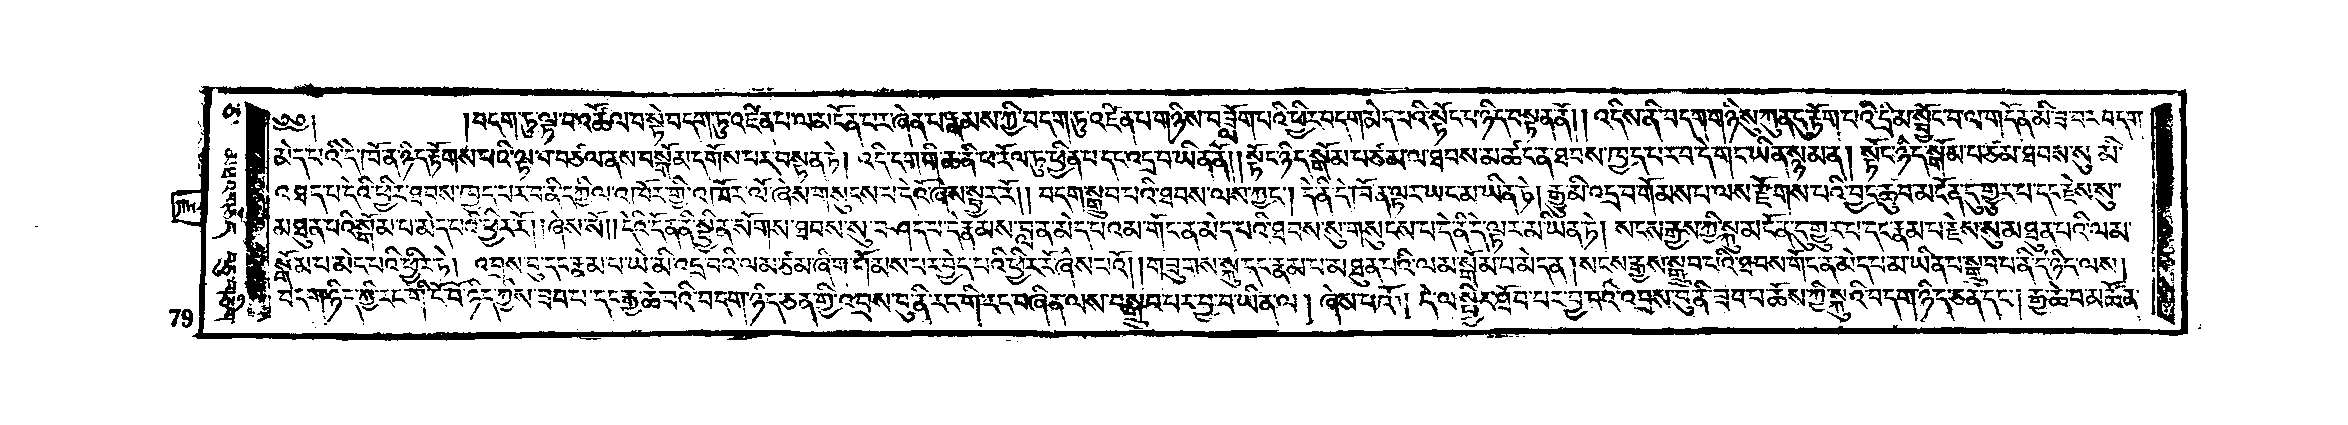།བདག་ཏུ་ལྟ་བ་འཚོལ་བ་སྟེ་བདག་ཏུ་འཛིན་པ་ལ་མངོན་པར་ཞེན་པ་རྣམས་ཀྱི་བདག་ཏུ་འཛིན་པ་གཉིས་བཟློག་པའི་ཕྱིར་བདག་མེད་པའི་སྟོང་པ་ཉིད་བསྟན་ནོ། །འདིས་ནི་བདག་གཉིས་སུ་ཀུན་དུ་རྟོག་པའི་དྲི་མ་སྦྱོང་བ་ལ་གདོན་མི་ཟ་བར་བདག་
མེད་པའི་དེ་ཁོ་ན་ཉིད་རྟོགས་པའི་ལྟ་བ་བཙལ་ནས་བསྒོམ་དགོས་པར་བསྟན་ཏེ། འདི་དག་གི་ཆ་ནི་ཕ་རོལ་ཏུ་ཕྱིན་པ་དང་འདྲ་བ་ཡིན་ནོ། །སྟོང་ཉིད་སྒོམ་པ་ཙམ་ལ་ཐབས་མ་ཚང་ན་ཐབས་ཁྱད་པར་བ་དེ་གང་ཡིན་སྙམ་ན། སྟོང་ཉིད་སྒོམ་པ་ཙམ་ཐབས་སུ་མི་
འཐད་པ་དེའི་ཕྱིར་ཐབས་ཁྱད་པར་བ་ནི་དཀྱིལ་འཁོར་གྱི་འཁོར་ལོ་ཞེས་གསུངས་པ་དེའོ་ཞེས་སྦྱར་རོ། །བདག་སྒྲུབ་པའི་ཐབས་ལས་ཀྱང་། དེ་ནི་དེ་ཁོ་ན་ལྟར་ཡང་མ་ཡིན་ཏེ། རྒྱུ་མི་འདྲ་བ་གོམས་པ་ལས་རྫོགས་པའི་བྱང་ཆུབ་མངོན་དུ་གྱུར་པ་དང་རྗེས་སུ་
མཐུན་པའི་སྒོམ་པ་མེད་པའི་ཕྱིར་རོ། །ཞེས་སོ། །དེའི་དོན་ནི་སྦྱིན་སོགས་ཐབས་སུ་བཤད་པ་དེ་རྣམས་བླ་ན་མེད་པའམ་གོང་ན་མེད་པའི་ཐབས་སུ་གསུངས་པ་དེ་ནི་དེ་ལྟར་མ་ཡིན་ཏེ། སངས་རྒྱས་ཀྱི་སྐུ་མངོན་དུ་གྱུར་པ་དང་རྣམ་པ་རྗེས་སུ་མཐུན་པའི་ལམ་
སྒོམ་པ་མེད་པའི་ཕྱིར་ཏེ། འབྲས་བུ་དང་རྣམ་པ་ཡེ་མི་འདྲ་བའི་ལམ་ཙམ་ཞིག་གོམས་པར་བྱེད་པའི་ཕྱིར་རོ་ཞེས་པའོ། །གཟུགས་སྐུ་དང་རྣམ་པ་མཐུན་པའི་ལམ་སྒོམ་པ་མེད་ན། སངས་རྒྱས་སྒྲུབ་པའི་ཐབས་གོང་ན་མེད་པ་མ་ཡིན་པ་སྒྲུབ་པ་ནི་དེ་ཉིད་ལས།
བདག་ཉིད་ཀྱི་རང་གི་ངོ་བོ་ཉིད་ཀྱིས་ཟབ་པ་དང་རྒྱ་ཆེ་བའི་བདག་ཉིད་ཅན་གྱི་འབྲས་བུ་ནི་རང་གི་རང་བཞིན་ལས་བསྒྲུབ་པར་བྱ་བ་ཡིན་ལ། ཞེས་པའོ། །དེ་ལ་སྤྱིར་ཐོབ་པར་བྱ་བའི་འབྲས་བུ་ནི་ཟབ་པ་ཆོས་ཀྱི་སྐུའི་བདག་ཉིད་ཅན་དང་། རྒྱ་ཆེ་བ་མཚན་